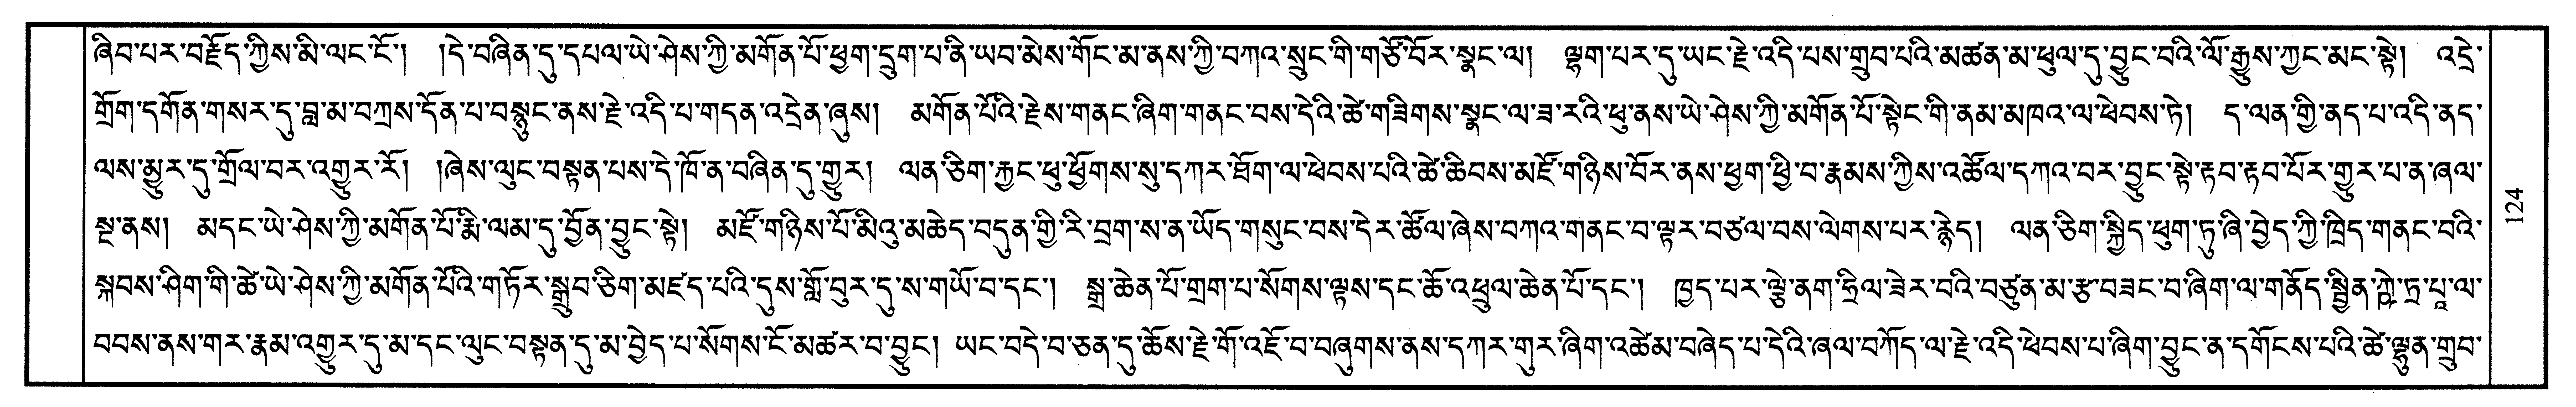ཞིབ་པར་བརྗོད་ཀྱིས་མི་ལང་ངོ། །དེ་བཞིན་དུ་དཔལ་ཡེ་ཤེས་ཀྱི་མགོན་པོ་ཕྱག་དྲུག་པ་ནི་ཡབ་མེས་གོང་མ་ནས་ཀྱི་བཀའ་སྲུང་གི་གཙོ་བོར་སྣང་ལ། ལྷག་པར་དུ་ཡང་རྗེ་འདི་པས་གྲུབ་པའི་མཚན་མ་ཕུལ་དུ་བྱུང་བའི་ལོ་རྒྱུས་ཀྱང་མང་སྟེ། འདྲེ་
གྲོག་དགོན་གསར་དུ་བླ་མ་བཀྲས་དོན་པ་བསྙུང་ནས་རྗེ་འདི་པ་གདན་འདྲེན་ཞུས། མགོན་པོའི་རྗེས་གནང་ཞིག་གནང་བས་དེའི་ཚེ་གཟིགས་སྣང་ལ་ཟ་རའི་ཕུ་ནས་ཡེ་ཤེས་ཀྱི་མགོན་པོ་སྟེང་གི་ནམ་མཁའ་ལ་ཕེབས་ཏེ། ད་ལན་གྱི་ནད་པ་འདི་ནད་
ལས་མྱུར་དུ་གྲོལ་བར་འགྱུར་རོ། །ཞེས་ལུང་བསྟན་པས་དེ་ཁོ་ན་བཞིན་དུ་གྱུར། ལན་ཅིག་རྐྱང་ཕུ་ཕྱོགས་སུ་དཀར་ཐོག་ལ་ཕེབས་པའི་ཚེ་ཆིབས་མཛོ་གཉིས་བོར་ནས་ཕྱག་ཕྱི་བ་རྣམས་ཀྱིས་འཚོལ་དཀའ་བར་བྱུང་སྟེ་རྟབ་རྟབ་པོར་གྱུར་པ་ན་ཞལ་
སྔ་ནས། མདང་ཡེ་ཤེས་ཀྱི་མགོན་པོ་རྨི་ལམ་དུ་བྱོན་བྱུང་སྟེ། མཛོ་གཉིས་པོ་མིའུ་མཆེད་བདུན་གྱི་རི་བྲག་ས་ན་ཡོད་གསུང་བས་དེར་ཚོལ་ཞེས་བཀའ་གནང་བ་ལྟར་བཙལ་བས་ལེགས་པར་རྙེད། ལན་ཅིག་སྐྱིད་ཕུག་ཏུ་ཞི་བྱེད་ཀྱི་ཁྲིད་གནང་བའི་
སྐབས་ཤིག་གི་ཚེ་ཡེ་ཤེས་ཀྱི་མགོན་པོའི་གཏོར་སྒྲུབ་ཅིག་མཛད་པའི་དུས་གློ་བུར་དུ་ས་གཡོ་བ་དང་། སྒྲ་ཆེན་པོ་གྲག་པ་སོགས་ལྟས་དང་ཆོ་འཕྲུལ་ཆེན་པོ་དང་། ཁྱད་པར་ལྕེ་ནག་ཧྲིལ་ཟེར་བའི་བཙུན་མ་རྩ་བཟང་བ་ཞིག་ལ་གནོད་སྦྱིན་ཀྵེ་ཏྲ་པཱ་ལ་
བབས་ནས་གར་རྣམ་འགྱུར་དུ་མ་དང་ལུང་བསྟན་དུ་མ་བྱེད་པ་སོགས་ངོ་མཚར་བ་བྱུང་། ཡང་བདེ་བ་ཅན་དུ་ཆོས་རྗེ་གོ་འཇོ་བ་བཞུགས་ནས་དཀར་གུར་ཞིག་འཚེམ་བཞེད་པ་དེའི་ཞལ་བཀོད་ལ་རྗེ་འདི་ཕེབས་པ་ཞིག་བྱུང་ན་དགོངས་པའི་ཚེ་ལྷུན་གྲུབ་